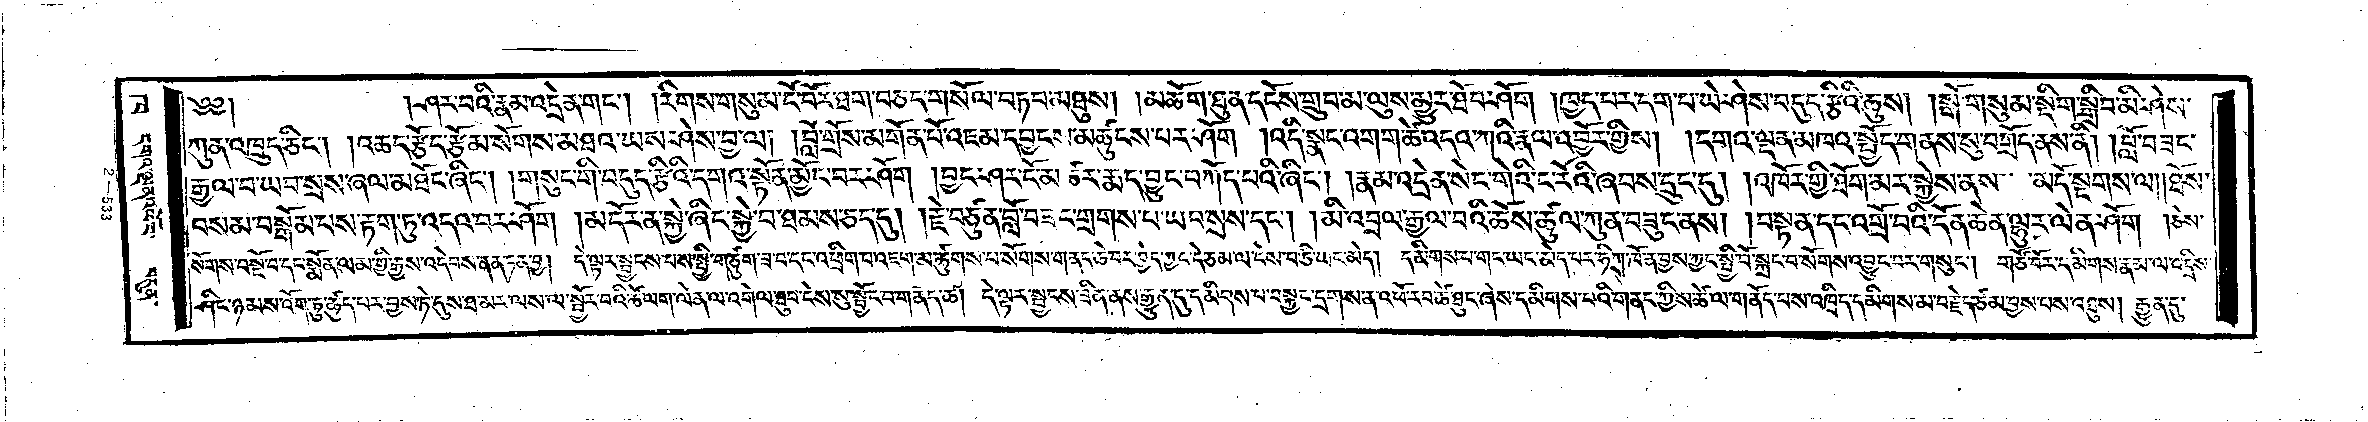༄༅། །ཤར་བའི་རྣམ་འདྲེན་གང་། །རིགས་གསུམ་ངོ་བོར་ཐག་བཅད་གསོལ་བཏབ་མཐུས། །མཆོག་ཐུན་དངོས་གྲུབ་མ་ལུས་མྱུར་ཐོབ་ཤོག །ཁྱད་པར་དག་པ་ཡེ་ཤེས་བདུད་རྩིའི་ཆུས། །སྒོ་གསུམ་སྡིག་སྒྲིབ་མི་ཤེས་
ཀུན་འཁྲུད་ཅིང་། །འཆད་རྩོད་རྩོམ་སོགས་མཐའ་ཡས་ཤེས་བྱ་ལ༑ །བློ་གྲོས་མགོན་པོ་འཇམ་དབྱངས་མཚུངས་པར་ཤོག །འདི་སྣང་འགག་ཚེ་འདའ་ཀའི་རྣལ་འབྱོར་གྱིས། །དགའ་ལྡན་མཁའ་སྤྱོད་གནས་སུ་བགྲོད་ནས་ནི། །བློ་བཟང་
རྒྱལ་བ་ཡབ་སྲས་ཞལ་མཐོང་ཞིང་། །གསུང་གི་བདུད་རྩིའི་དགའ་སྟོན་མྱོང་བར་ཤོག །བྱང་ཤར་ངོ་མཚར་རྨད་བྱུང་བཀོད་པའི་ཞིང་། །རྣམ་འདྲེན་སེང་གེའི་ང་རོའི་ཞབས་དྲུང་དུ། །འཁོར་གྱི་ཐོག་མར་སྐྱེས་ནས་མདོ་སྔགས་ལ། །ཐོས་
བསམ་བསྒོམས་རྟག་ཏུ་འདའ་བར་ཤོག །མདོར་ན་སྐྱེ་ཞིང་སྐྱེ་བ་ཐམས་ཅད་དུ། །རྗེ་བཙུན་བློ་བཟང་གྲགས་པ་ཡབ་སྲས་དང་། །མི་འབྲལ་རྒྱལ་བའི་ཆོས་ཚུལ་ཀུན་བཟུང་ནས། །བསྟན་དང་འགྲོ་བའི་དོན་ཆེན་ལྷུར་ལེན་ཤོག །ཅེས་
སོགས་བསྔོ་བ་དང་སྨོན་ལམ་གྱི་རྒྱས་འདེབས་ནན་ཏན་བྱ། དེ་ལྟར་སྦྱངས་པས་སྤྱི་གཙུག་ཟ་བ་དང་འཕྲིག་པ་འཇག་མ་ཚུགས་པ་སོགས་གནད་ཆེ་བར་བྱེད་ཀྱང་དེ་ཅམ་ལ་ངེས་པ་ཅི་ཡང་མེད། དམིགས་པ་གང་ཡང་མེད་པར་ཧིཀ་ཁོ་ན་བྱས་ཀྱང་སྤྱི་པོ་སྐྲང་བ་སོགས་འབྱུང་བར་གསུང་། གཙོ་བོར་དམིགས་རྣམ་ལ་འདྲིས་
ཤིང་ཉམས་འོག་ཏུ་ཚུད་པར་བྱས་ཏེ་དུས་ཐ་མར་ལས་ལ་སྦྱོར་བའི་ཚེ་ལག་ལེན་ལ་འགེལ་ཐུབ་ངེས་སུ་སྦྱོང་བ་གནད་ཚ། དེ་ལྟར་སྦྱངས་ཟིན་ནས་རྒྱུན་དུ་དམིགས་པ་བསྐྱང་དྲགས་ན་འཕོ་རབ་ཚེ་ཐུང་ཞེས་དམིགས་པའི་གནད་ཀྱིས་ཚེ་ལ་གནོད་པས་འཁྲིད་དམིགས་མ་བརྗེད་ཙམ་བྱས་པས་འཐུས། རྒྱུན་དུ་